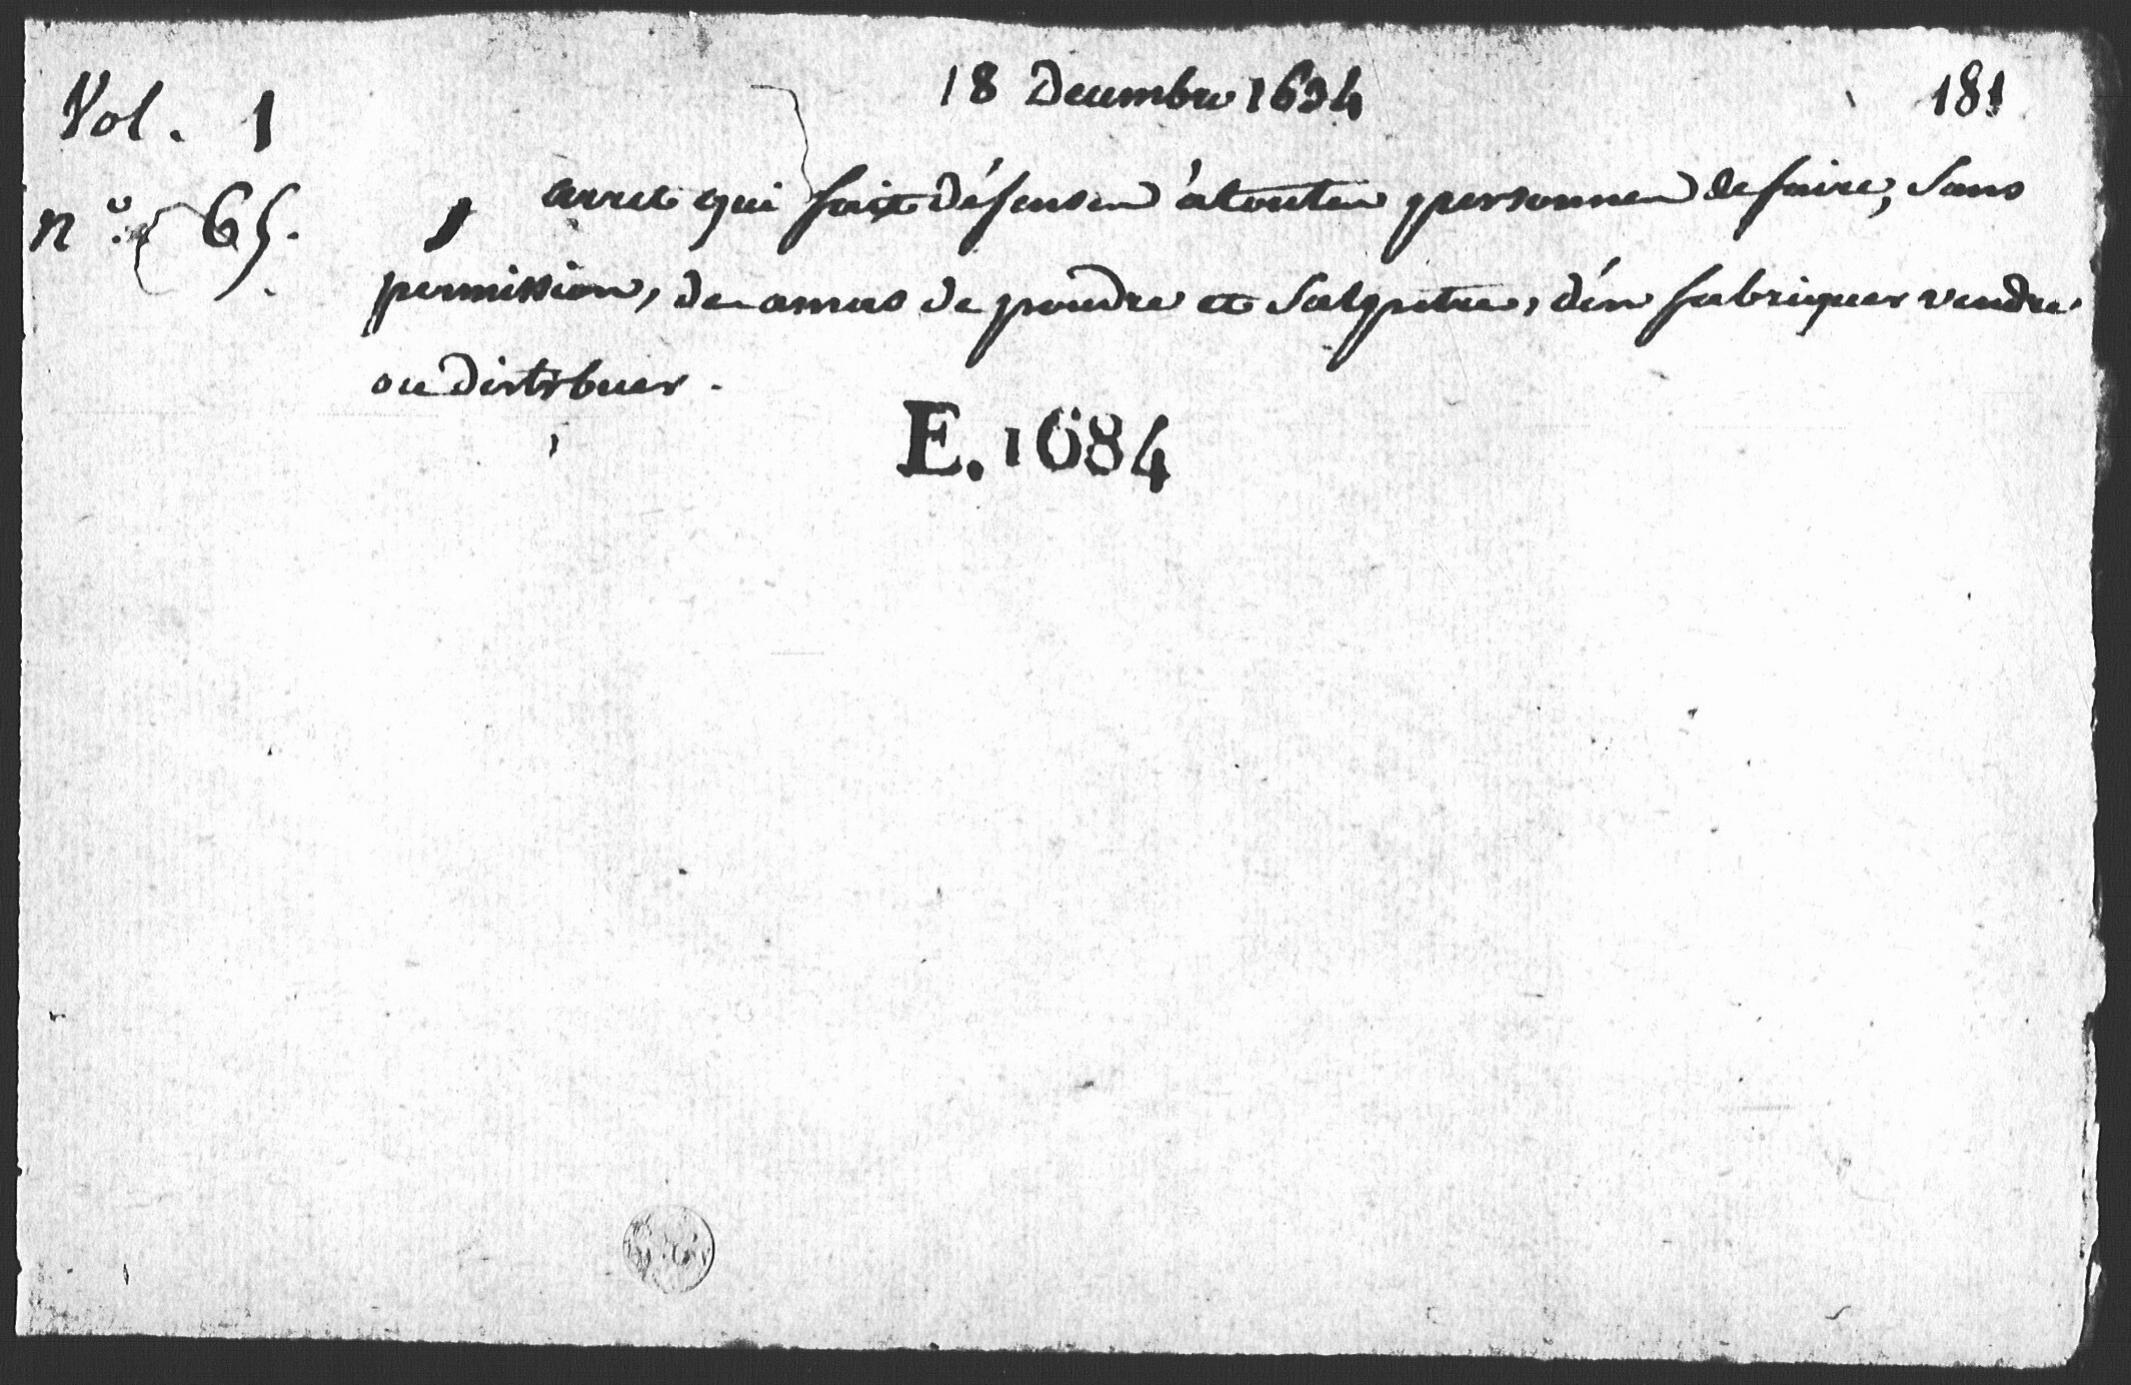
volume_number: n°65
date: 18 décembre 1634
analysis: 181
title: arret qui fait défenses à toutes personnes de faire, sans permission, des amas de poudre et salpetre, d'en fabriquer vendre ou distribuer.
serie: E
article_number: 1684
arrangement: vol. 1
